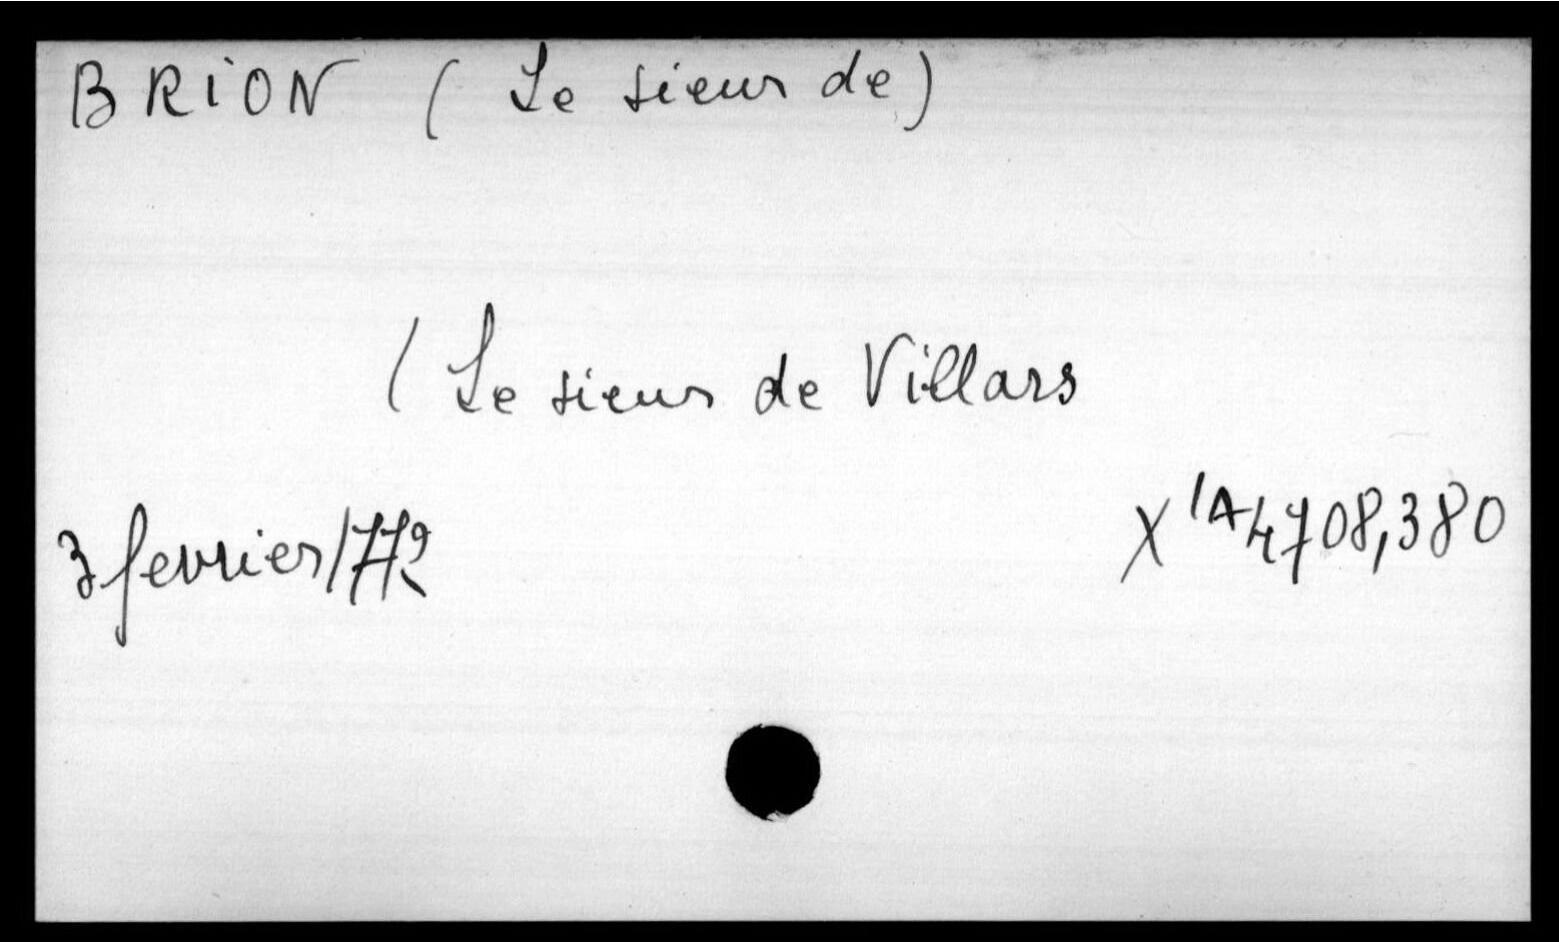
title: BRION (Le sieur de)
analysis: Contre le sieur de Villars
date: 3 février 1772
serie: X1A
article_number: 4708
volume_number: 380
